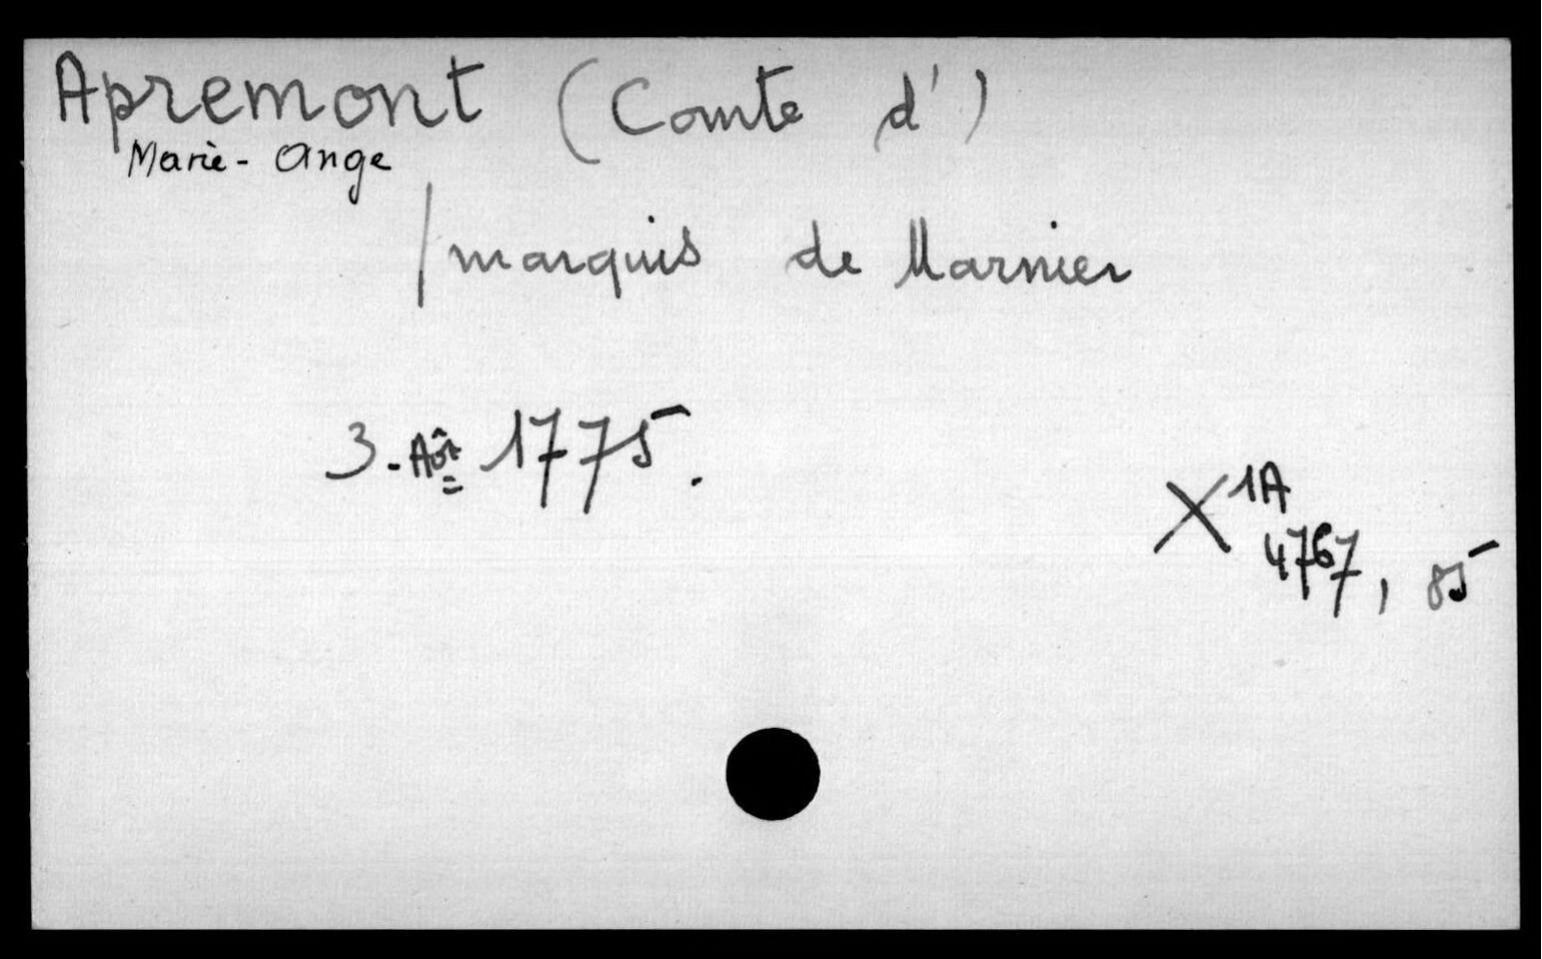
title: APREMONT Marie-Ange (Comte d')
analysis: Contre marquis de Marnier
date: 3 août 1775
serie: X1A
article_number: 4767
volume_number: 85
